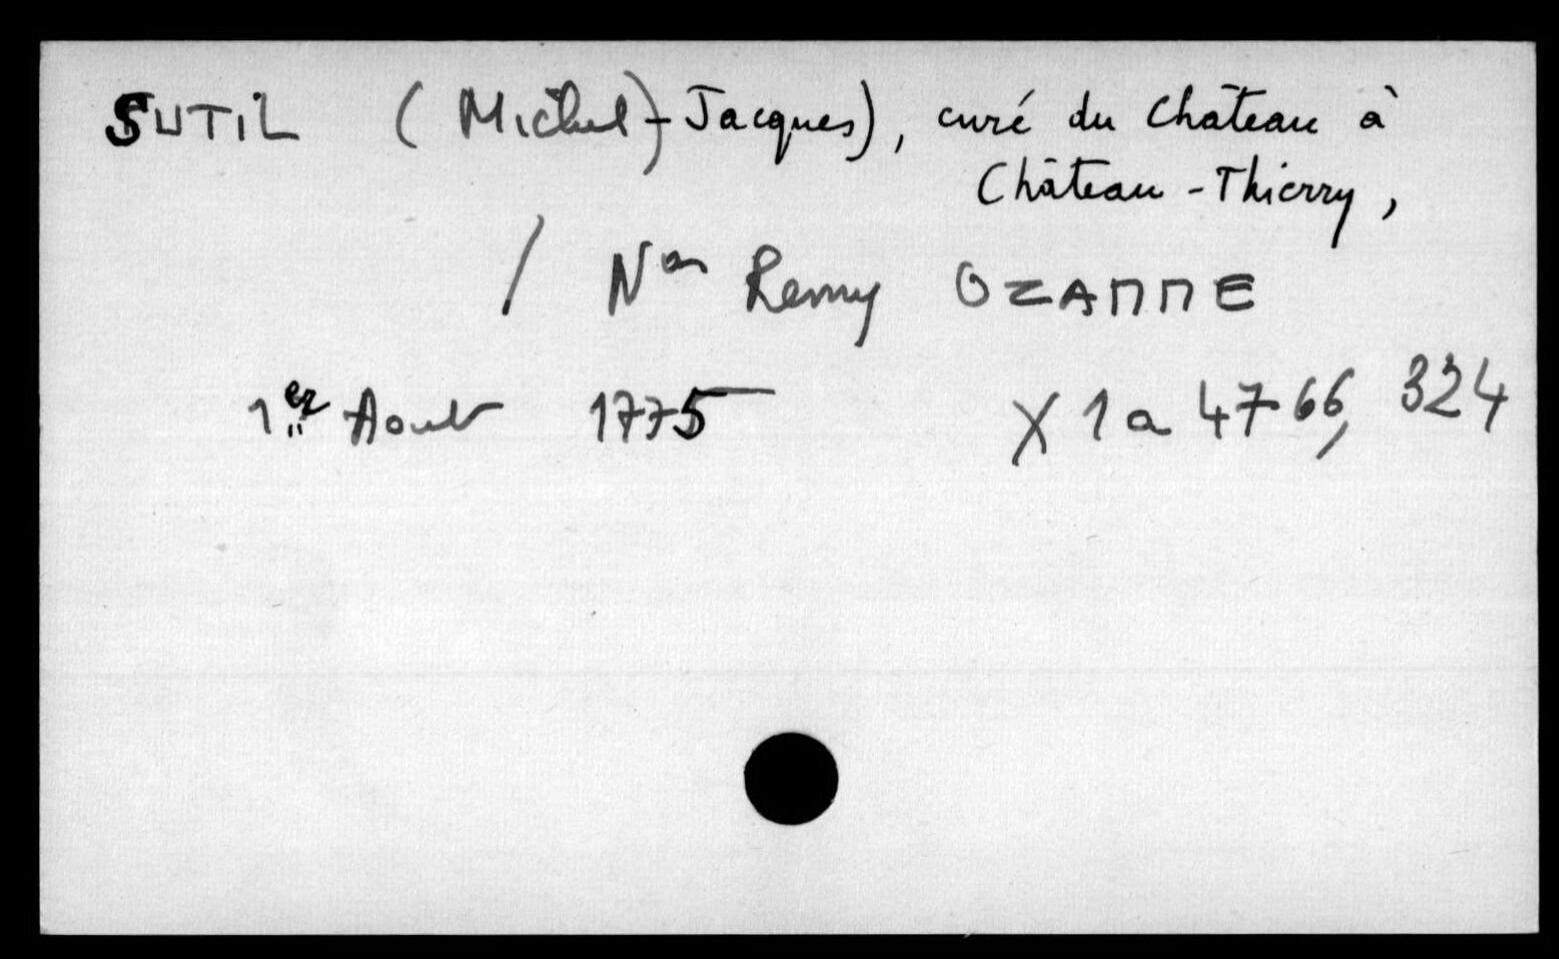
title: SUTIL (Michel-Jacques), curé du Château à Château-Thierry,
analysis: Contre notaire Remy OZANNE
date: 1er août 1775
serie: X1a
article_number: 4766
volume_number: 324
